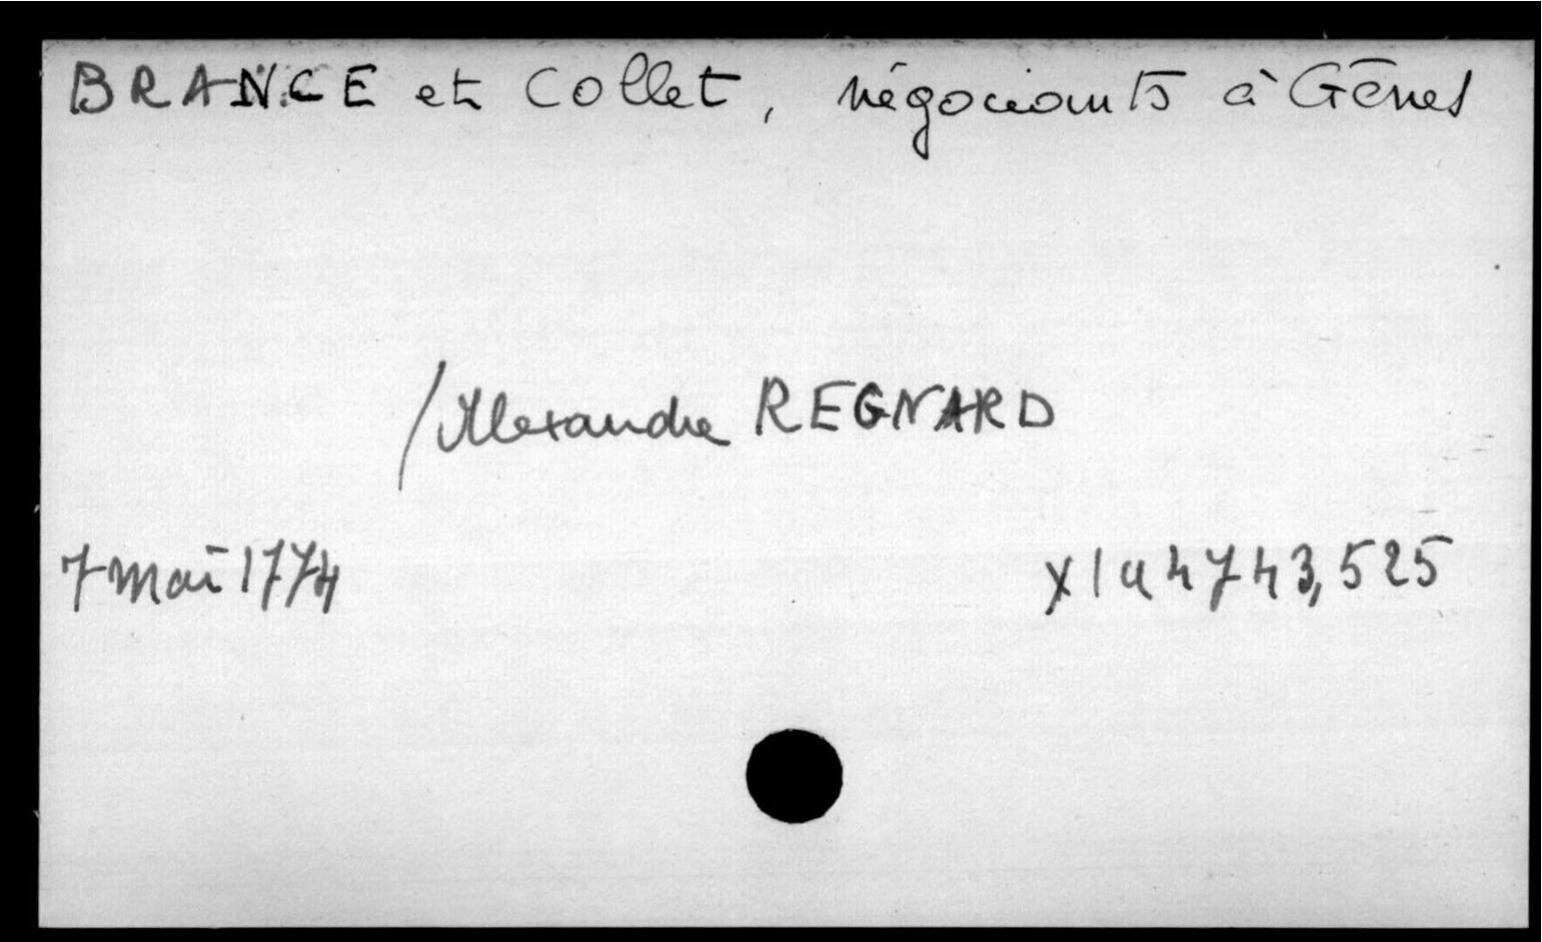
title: BRANCE et Collet, négociants à Gênes
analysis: Contre Alexandre REGNARD
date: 7 mai 1774
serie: X1a
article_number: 4743
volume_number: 525
